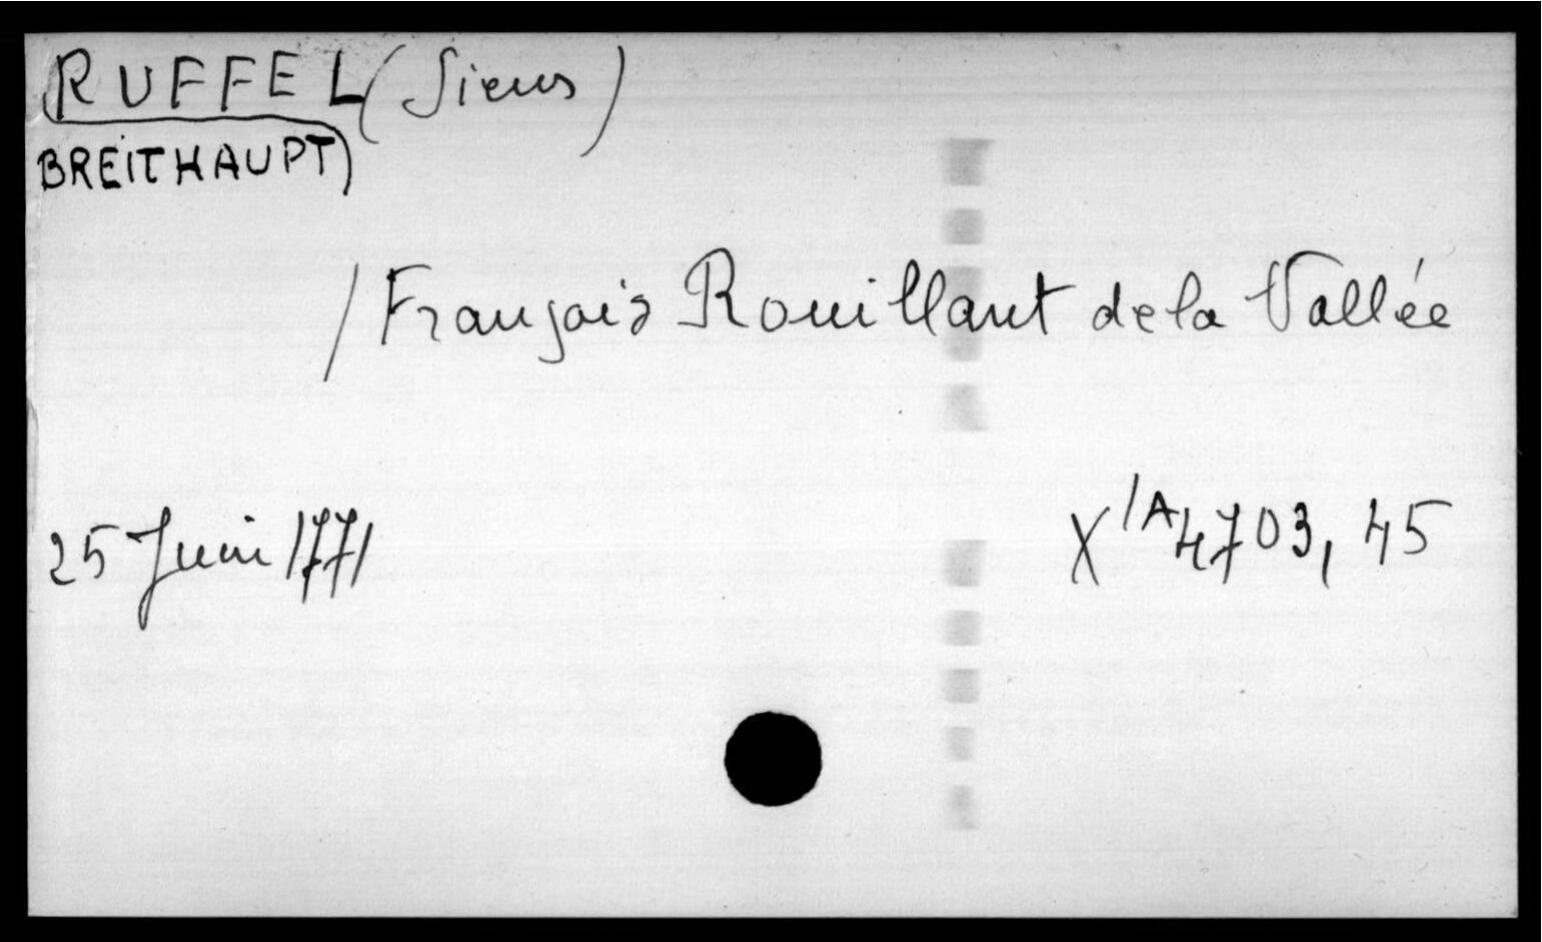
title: BREITHAUT RUFFEL(Sieur)
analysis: Contre François Rouillant de la Vallée
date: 25 juin 1771
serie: X1A
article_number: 4703
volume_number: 45
